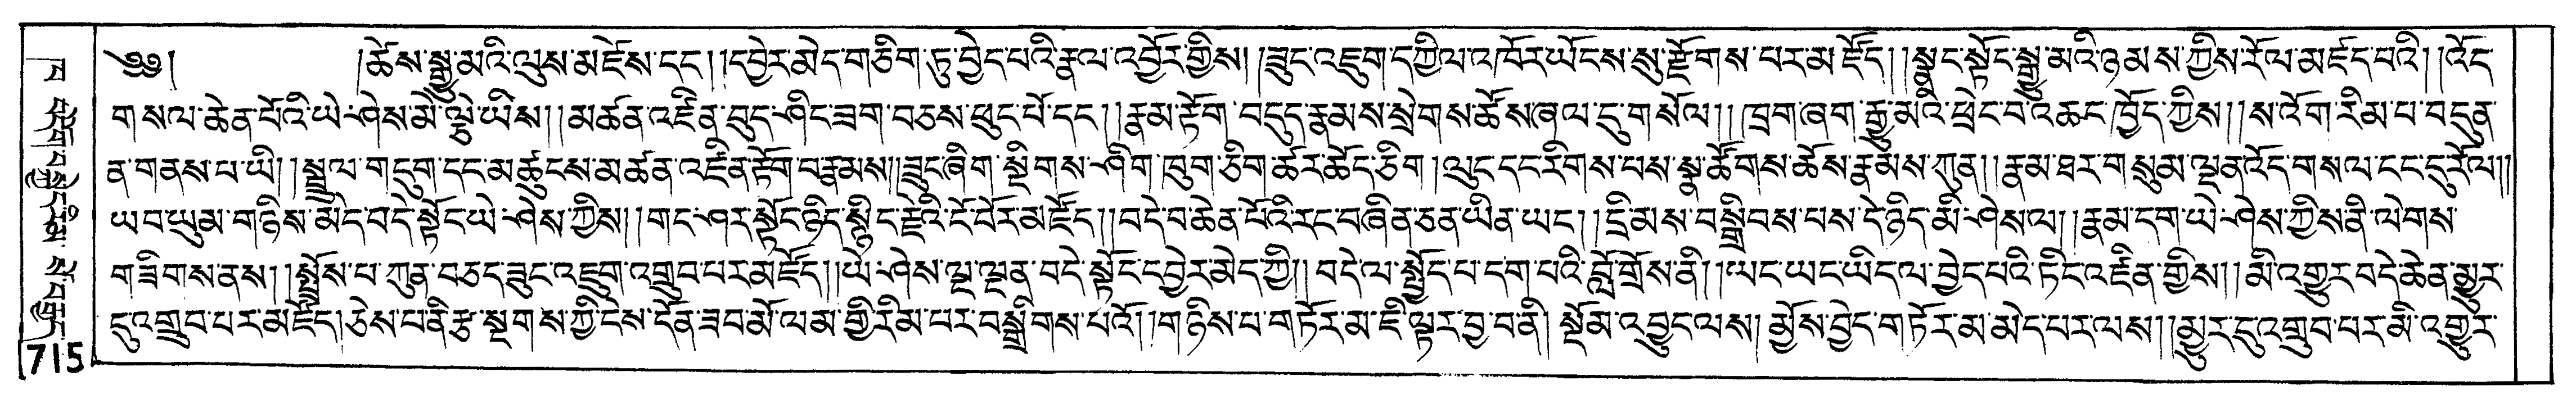༄༅། །ཚེས་སྒྱུ་མའི་ལུས་མཛེས་དང་། །དབྱེར་མེད་གཅིག་ཏུ་བྱེད་པའི་རྣལ་འབྱོར་གྱིས། །ཟུང་འཇུག་དཀྱིལ་འཁོར་ཡོངས་སུ་རྫོགས་པར་མཛོད། །སྣང་སྟོང་སྒྱུ་མའི་ཉམས་ཀྱིས་རོལ་མཛད་པའི། །འོད་
གསལ་ཆེན་པོའི་ཡེ་ཤེས་མེ་ལྕེ་ཡིས། །མཚན་འཛིན་བུད་ཤིང་ཟག་བཅས་ཕུང་པོ་དང་། །རྣམ་རྟོག་བདུད་རྣམས་སྲེགས་ཚོས་ཞལ་དུ་གསོལ། །ཁྲག་ཞག་རྒྱུ་མའི་ཕྲེང་བ་འཆང་ཁྱོད་ཀྱིས། །ས་འོག་རིམ་པ་བདུན་
ན་གནས་པ་ཡི། །སྦྲུལ་གདུག་དང་མཚུངས་མཚན་འཛིན་རྟོག་པ་རྣམས། །ཟུང་ཞིག་སྡིགས་ཤིག་ཁུག་ཅིག་ཚར་ཆོད་ཅིག །ལུང་དང་རིགས་པས་སྣ་ཚོགས་ཆོས་རྣམས་ཀུན། །རྣམ་ཐར་གསུམ་ལྡན་འོད་གསལ་ངང་དུ་རོལ། །
ཡབ་ཡུམ་གཉིས་མེད་བདེ་སྟོང་ཡེ་ཤེས་ཀྱིས། །གང་ཤར་སྟོང་ཉིད་སྙིང་རྗེའི་ངོ་བོར་མཛོད། །བདེ་བ་ཆེན་པོའི་རང་བཞིན་ཅན་ཡིན་ཡང་། །དྲི་མས་བསྒྲིབས་པས་དེ་ཉིད་མི་ཤེས་ལ། །རྣམ་དག་ཡེ་ཤེས་ཀྱིས་ནི་ལེགས་
གཟིགས་ནས། །སྤྲོས་པ་ཀུན་བཅད་ཟུང་འཇུག་འགྲུབ་པར་མཛོད། །ཡེ་ཤེས་ལྔ་ལྡན་བདེ་སྟོང་དབྱེར་མེད་ཀྱི། །བདེ་ལ་སྤྱོད་པ་དག་པའི་བློ་གྲོས་ནི། །ཡང་ཡང་ཡིད་ལ་བྱེད་པའི་ཏིང་འཛིན་གྱིས། །མི་འགྱུར་བདེ་ཆེན་མྱུར་
དུ་འགྲུབ་པར་མཛོད། ཅེས་པ་ནི་རྩ་སྔགས་ཀྱི་ངེས་དོན་ཟབ་མོ་ལམ་གྱི་རིམ་པར་བསྒྲིགས་པའོ། །གཉིས་པ་གཏོར་མ་ཇི་ལྟར་བྱ་བ་ནི། སྡོམ་འབྱུང་ལས། མྱོས་བྱེད་གཏོར་མ་མེད་པར་ལས། །མྱུར་དུ་འགྲུབ་པར་མི་འགྱུར་